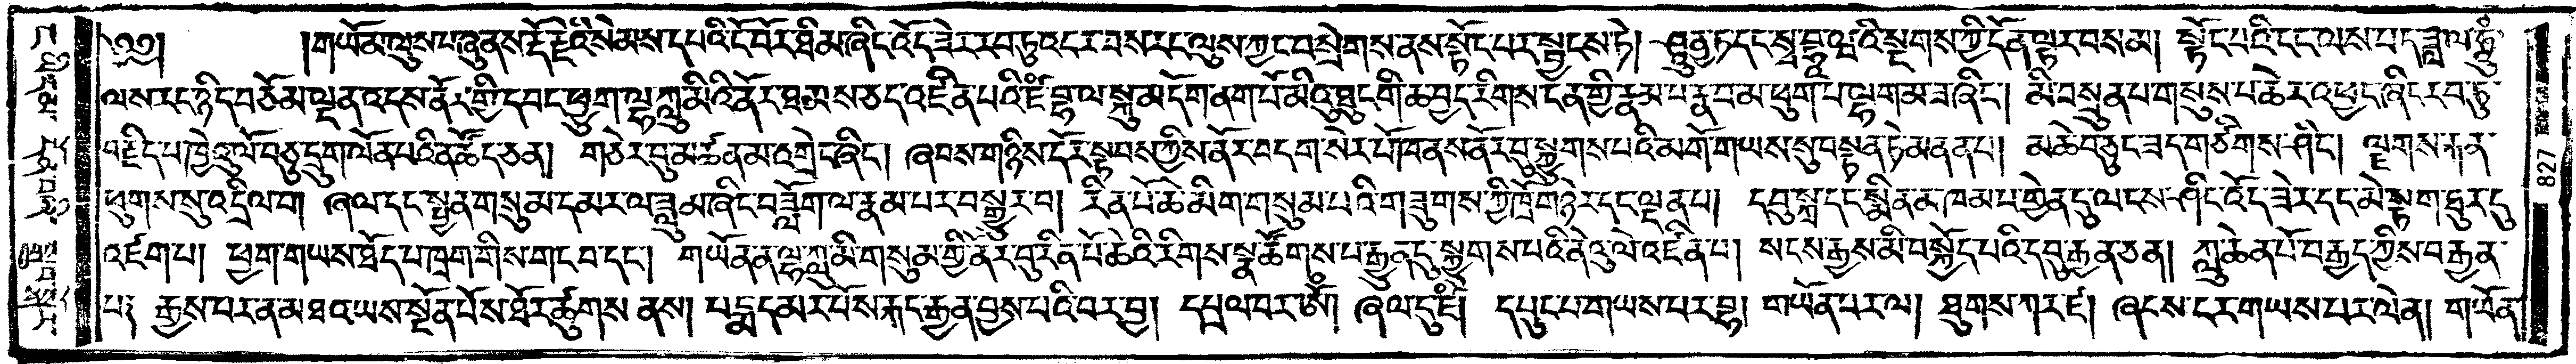༄༅། །གཡོམ་ལུས་པ་ཞུ་ནས་རྡོ་རྗེའི་སེམས་དཔའི་ངོ་བོར་ཐིམ་ཞིང་འོད་ཟེར་རབ་ཏུ་འདར་བས་རང་ལུས་ཀྱང་བསྲེགས་ནས་སྟོང་པར་སྦྱངས་ཏེ། ཤཱུ་ནྱ་ཏ་དང་སྭ་བྷཱ་ཝའི་སྔགས་ཀྱི་དོན་ལྟར་བསམ། སྟོང་པའི་དང་ལས་པར་ཟླ་ཧཱུཾ་
ལས་རང་ཉིད་བཅོམ་ལྡན་འདས་ནོར་གྱི་དབང་ཕྱུག་ལྷ་ཀླུ་མིའི་ནོར་ཐམས་ཅད་འཛིན་པའི་ཛཾ་བྷ་ལ་སྐུ་མདོག་ནག་པོ་མིའུ་ཐུང་གི་ཆ་བྱད་རིགས་ངན་གྱི་རྣམ་པ་རྣ་བ་མ་ཕུག་པ་ལྷག་མ་ཟ་ཞིང་། མི་བསྲུན་པ་གསུས་པ་ཆེར་འཕྱང་ཞིང་རབ་ཏུ་
བརྗིད་པ་ཁྱེའུ་ལོ་བཅུ་དྲུག་ལོན་པའི་ན་ཚོད་ཅན། གཅེར་བུ་མཚན་མ་འགྲེང་ཞིང་། ཞབས་གཉིས་དོར་བསྟབས་ཀྱིས་ནོར་བདག་སེར་པོ་ཁ་ནས་ནོར་བུ་སྐྱུགས་པའི་མགོ་གཡས་སུ་བསྟན་ཏེ་མན་ན་པ། མཆེ་བ་ཅུང་ཟད་གཙིགས་ཤིང་། ལྗགས་རྐན་
ཕུགས་སུ་འདྲིལ་བ། ཞལ་དང་སྤྱན་གསུམ་དམར་ལ་ཟླུམ་ཞིང་བཟློག་ལ་རྣམ་པར་བསྒྱུར་བ། རིན་པོ་ཆེ་མིག་གསུམ་པའི་གཟུགས་ཀྱི་ཁྲོ་གཉེར་དང་ལྡན་པ། དབུ་སྐྲ་དང་སྨིན་མཁམ་པ་གྱེན་དུ་ལངས་ཤིང་འོད་ཟེར་དང་མེ་སྟག་ཐུར་དུ་
འཛག་པ། ཕྱག་གཡས་ཐོད་པ་ཁྲག་གིས་གང་བ་དང་། གཡོན་ན་ལྷ་ཀླུ་མི་གསུམ་གྱི་ནོར་བུ་རིན་པོ་ཆེའི་རིགས་སྣ་ཚོགས་བརྒྱུན་དུ་སྐྱུགས་པའི་ནེའུ་ལེ་འཛིན་པ། སངས་རྒྱས་མི་བསྐྱོད་པའི་དབུ་རྒྱན་ཅན། ཀླུ་ཆེན་པོ་བརྒྱད་ཀྱིས་བརྒྱན་
པ༑ རྒྱས་པར་ན་མཐའ་ཡས་སྔོན་པོས་ཐོར་ཚུགས་ནས། པདམ་དམར་པོས་རྐང་རྒྱན་བྱས་པའི་བར་བྱ། དཔྲལ་བར་ཨོཾ། ཞལ་དུ་ཛི། དཔུང་པ་གཡས་པར་བྷ། གཡོན་པར་ལ། ཐུགས་ཀར་ཛ། ཞབས་ངར་གཡས་པར་ལེན། གཡོན་